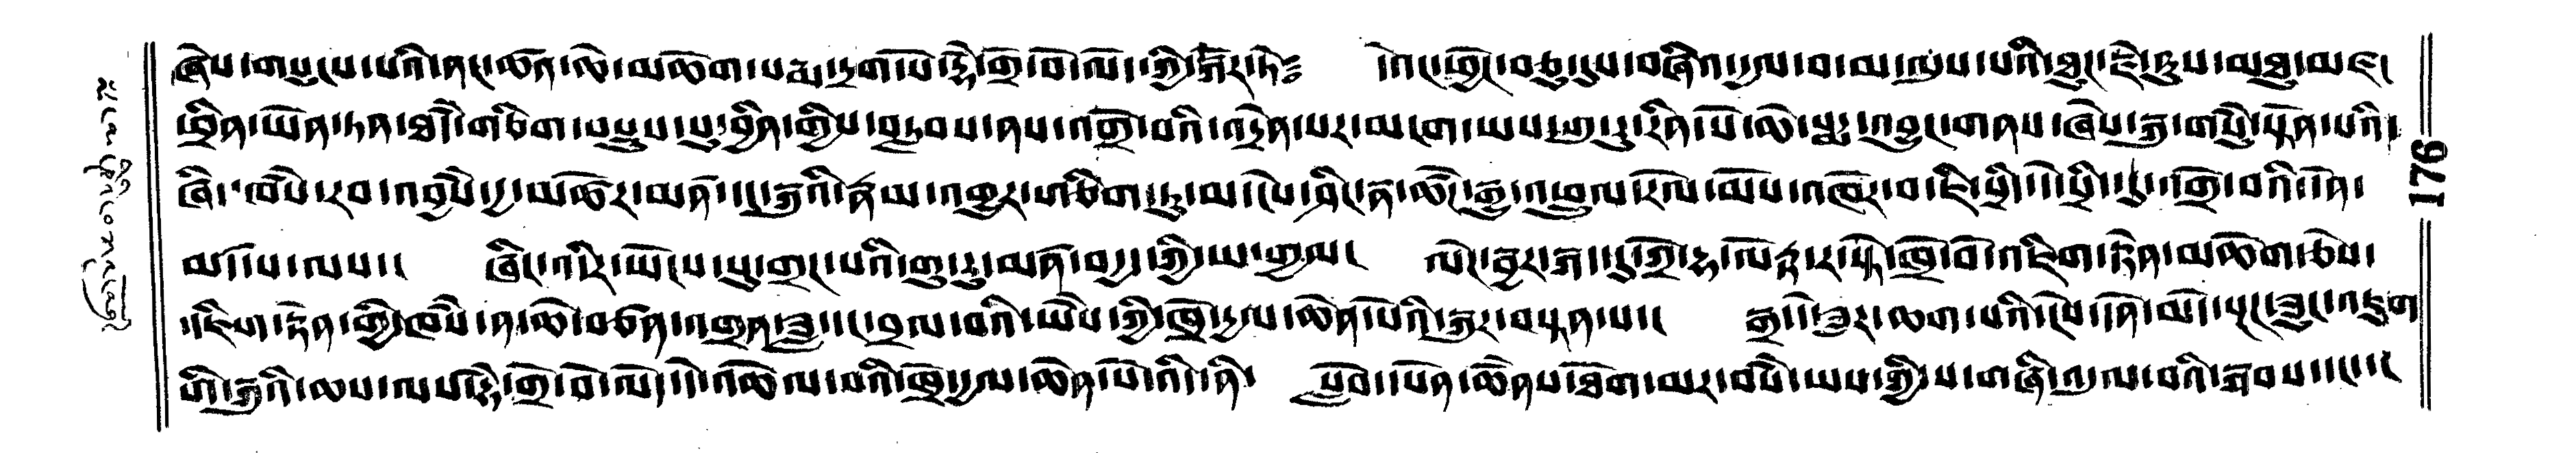ཞེས་གསུངས་པའི་ནང་ཚན་ཆེ་མཆོག་པདྨ་དྲག་པོ་རྡོ་རྗེ་གྲོ་བོ་ལོད་ཀྱི་སྐོར་ཏེ། དེའང་ཕྱོགས་བཅུ་དུས་བཞིའི་རྒྱལ་བ་མ་ལུས་པའི་ཐུགས་རྗེ་ནུས་མཐུ་མཛད་
ཕྲིན་ཡོན་ཏན་ཐམས་ཅད་གཅིག་བསྡུས་སུ་བྱིན་གྱིས་བརླབས་ནས་འགྲོ་བའི་འདྲེན་པར་བསྔགས་པ་གུ་རུ་རིན་པོ་ཆེ་པདྨ་འབྱུང་གནས་ཞེས་སྐུ་གསུམ་སྟོན་པའི་
ཞི་ཁམས་རབ་འབྱམས་རྒྱ་མཚོར་མཚན་དང་སྐུའི་རྣམ་འགྱུར་གཅིག་ཏུ་མ་ངེས་ཤིང་སྣ་ཚོགས་སྒྱུ་འཕྲུལ་རོལ་མོས་འཁོར་བ་ཇི་སྲིད་དེ་སྲིད་དུ་འགྲོ་བའི་དོན་
མཛད་པ་ལས། ཞིང་འདིར་ཡོངས་སུ་གྲགས་པའི་གུ་རུ་མཚན་བརྒྱད་ཀྱི་ཡ་གྱལ། ལེགས་སྦྱར་སྐད་དུ་ཀྲོ་དྷ་ལོཏྟ་ར་སྟེ་ཁྲོ་བོ་འཇིག་རྟེན་མཆོག་ཅེས་
འཇིག་རྟེན་གྱི་ཁམས་ན་ཆེ་བཙན་འགྲན་ཟླ་དང་བྲལ་བའི་ཡེ་ཤེས་ཀྱི་ཁྲོ་རྒྱལ་ཆེན་པོའི་སྐུར་བསྟན་པ།སྒྲ་དེ་ཟུར་ཆག་པའི་ངེས་དོན་མདོ་སྔགས་ཟུང་འཇུག་
གི་སྐུའི་ཆས་ལས་རྡོ་རྗེ་གྲོ་བོ་ལོད་དེ་འཆོལ་བའི་ཁྲོ་རྒྱལ་ཆེན་པོ་འདི་ནི་སློབ་དཔོན་ཆེན་པོས་ཐོག་མར་བསམ་ཡས་ཀྱི་ས་གཞི་འདུལ་བའི་སྐབས་དང་།